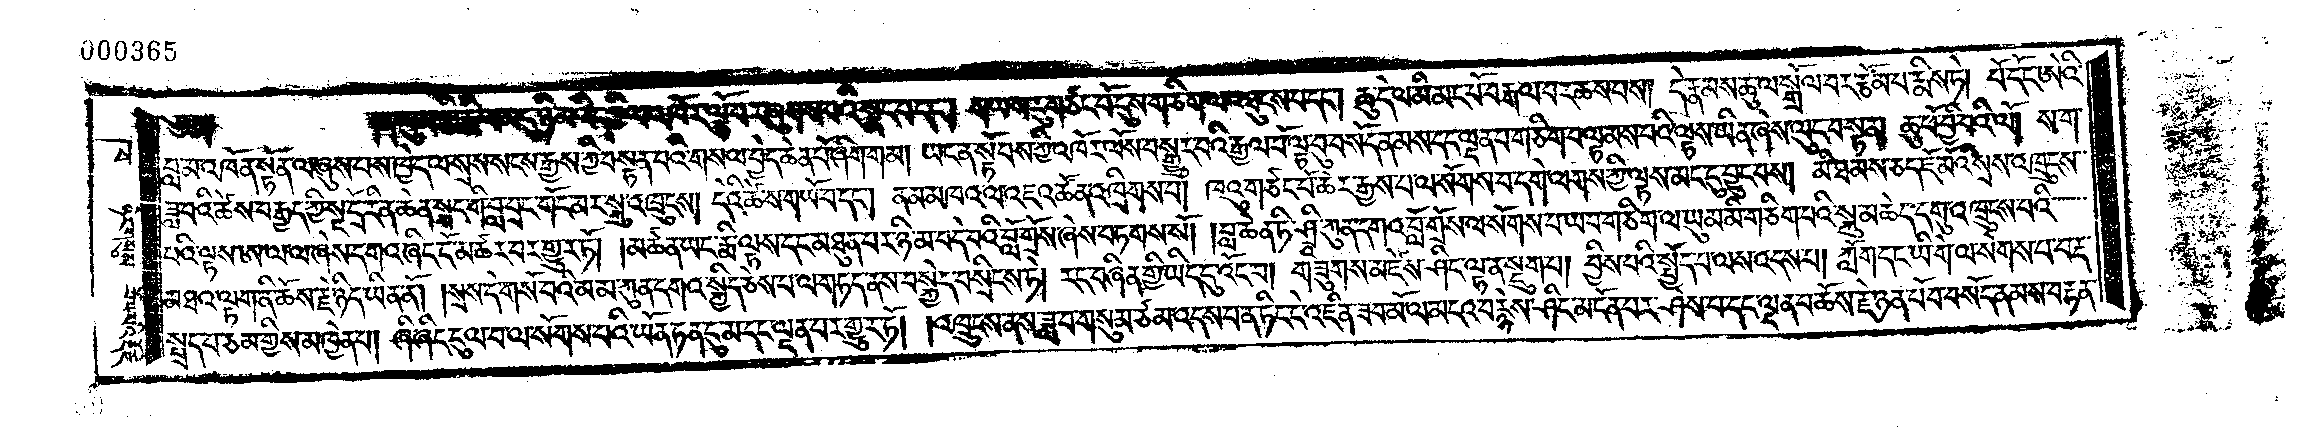༄༅། །ན་ཡུམ་གྱི་རྨི་ལམ་དུ་ཉི་མའི་དཀྱིལ་འཁོར་ལྟོ་བར་ཞུགས་པའི་སྣང་བ་དང་། གཡས་རུ་གཙང་བོ་དུས་གཅིག་ལ་འཐུངས་པ་དང་། ཆུ་དེ་ལ་མི་མང་པོ་བརྒལ་བར་ཆས་པས། དེ་རྣམས་ཆུ་ལ་སྒྲོལ་བར་རྩོམ་པ་རྨིས་ཏེ། བོ་དོང་ཨེའི་
བླ་མ་འཁོན་སྟོན་ལ་ཞུས་པས་ཁྱེད་ལ་སྲས་སངས་རྒྱས་ཀྱི་བསྟན་པའི་གསལ་བྱེད་ཆེན་པོ་ཞིག་གམ། ཡང་ན་སྟོབས་ཀྱི་འཁོར་ལོས་བསྒྱུར་བའི་རྒྱལ་བོ་ལྟ་བུ་བསོད་ནམས་དང་ལྡན་པ་གཅིག་བལྟམས་པའི་ལྟས་ཡིན་ཞེས་ལུང་བསྟན། ཆུ་ཕོ་བྱི་བའི་ལོ། ས་ག་
ཟླ་བའི་ཚེས་བརྒྱད་ཀྱི་སྔ་དྲོ་རིན་ཆེན་སྒང་གི་བླ་བྲང་གོང་མར་སྐུ་འཁྲུངས། དེའི་ཚེ་ས་གཡོ་པ་དང་། ནམ་མཁའ་ལ་འཇའ་ཚོན་འཁྲིགས་པ། ཁའུ་གཙང་པོ་ཆེར་རྒྱས་པ་ལ་སོགས་པ་དགེ་ལགས་ཀྱི་ལྟས་མང་དུ་བྱུང་བས། མི་ཐམས་ཅད་ཇོ་མོའི་སྲས་འཁྲུངས་
པའི་ལྟས་ཨ་ལ་ལ་ཞེས་དགའ་ཞིང་ངོ་མཚར་བར་གྱུར་ཏོ། །མཚན་ཡང་རྨི་ལྟས་དང་མཐུན་པར་ཉི་མ་བདེ་བའི་བློ་གྲོས་ཞེས་བཏགས་སོ། །བླ་ཆེན་ཏི་ཤྲཱི་ཀུན་དགའ་བློ་གྲོས་ལ་སོགས་པ་ཡབ་གཅིག་ལ་ཡུམ་མི་གཅིག་པའི་སྐུ་མཆེད་དགུ་འཁྲུངས་པའི་
མཐའ་ལྟག་ནི་ཆོས་རྗེ་ཉིད་ཡིན་ནོ། །སྲས་དེ་གསོ་བའི་མ་མ་ཀུན་དགའ་སྐྱིད་ཅེས་པ་ལ་གཏད་ནས་བསྐྱེད་བསྲིངས་ཏེ། རང་བཞིན་གྱི་ཡིད་དུ་འོང་བ། གཟུགས་མཛེས་ཤིང་ལྟན་སྡུག་པ། བྱིས་པའི་སྤྱོད་པ་ལས་འདས་པ། ཀློག་དང་ཡི་གེ་ལ་སོགས་པ་བརྡ་
སྤྲད་པ་ཅམ་གྱིས་མཁྱེན་པ། ཞི་ཞིང་དུལ་བ་ལ་སོགས་པའི་ཡོན་ཏན་དུ་མ་དང་ལྡན་པར་གྱུར་ཏོ། །འཁྲུངས་ནས་ཟླ་བ་གསུམ་ཙམ་འདས་བ་ན་ཏིང་ངེ་འཛིན་ཟབ་མོ་ལ་མངའ་བརྙེས་ཤིང་མངོན་བར་ཤེས་བ་དང་ལྡན་པ་ཆོས་རྗེ་ཉན་པོ་བ་བསོད་ནམས་བརྟན་